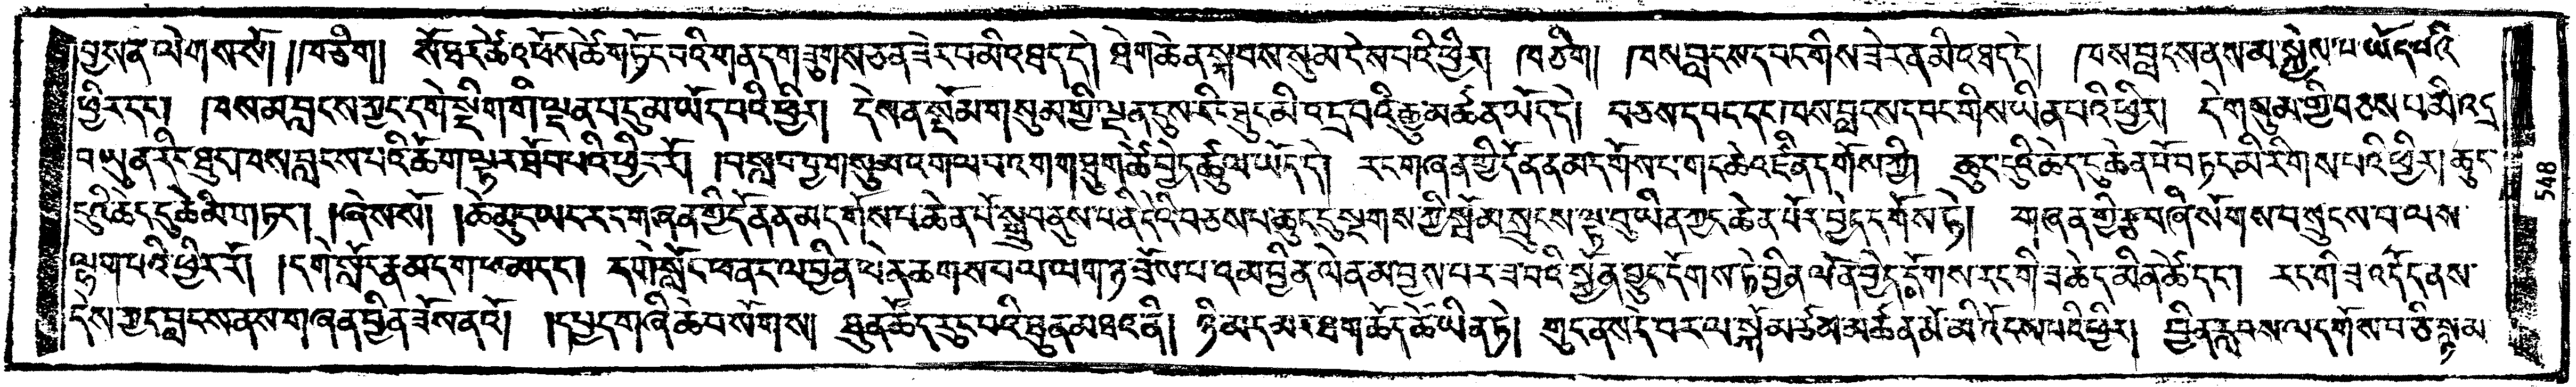བྱས་ན་ལེགས་སོ། །ཁ་ཅིག། སོ་ཐར་ཚེ་འཕོས་ཚེ་གཏོང་བའི་གནད་གཟུགས་ཅན་ཟེར་བ་མི་འཐད་དེ། ཐེག་ཆེན་སྐབས་སུམ་ངེས་པའི་ཕྱིར། ཁ་ཅིག། ཁས་བླངས་དབང་གིས་ཟེར་ན་མི་འཐད་དེ། ཁས་བླངས་ནས་མ་སྐྱེས་པ་ཡོད་པའི་
ཕྱིར་དང་། ཁས་མ་བླངས་ཀྱང་དགེ་སྡིག་གི་ལྡན་པ་དུ་མ་ཡོད་པའི་ཕྱིར། དེས་ན་སྔོམ་གསུམ་གྱི་ལྡན་དུས་རིང་ཐུང་མི་འདྲ་བའི་རྒྱུ་མཚན་ཡོད་དེ། བཅས་དབང་དང་ཁས་བླངས་དབང་གིས་ཡིན་པའི་ཕྱིར། དེ་གསུམ་གྱི་བཅས་པ་མི་འདྲ་
བ་ཡུན་རིང་ཐུང་ཁས་བླངས་པའི་ཆོག་ལྟར་ཐོབ་པའི་ཕྱིར་རོ། །བསླབ་བྱ་གསུམ་འགལ་བ་འགག་ཐུག་ཚེ་བྱེད་ཚུལ་ཡོད་དེ། རང་གཞན་གྱི་དོན་ནམ་དགོས་པ་གང་ཚེ་འཛིན་དགོས་ཀྱི། ཆུང་དུའི་ཆེད་དུ་ཆེན་པོ་བཏང་མི་རིགས་བའི་ཕྱིར། ཆུང་
དུའི་ཆེད་དུ་ཚེ་མི་གཏང་། །ཞེས་སོ། །ཆེ་ཆུང་ཡང་རང་གཞན་གྱི་དོན་ནམ་དགོས་པ་ཆེན་པོ་སྒྲུབ་ནུས་པ་ནི་དེའི་བཅས་པ་ཆུང་དུ་སྔགས་ཀྱི་སྦོམ་སྲུངས་ལྟ་བུ་ཡིན་ཀྱང་ཆེན་པོར་བྱེད་དགོས་ཏེ། གཞན་གྱི་རྩ་བཞི་སོགས་བསྲུངས་བ་ལས་
ལྷག་པའི་ཕྱིར་རོ། །དགེ་སློང་རྣམ་དག་ཕམ་དང་། དགེ་སློང་ཕ་ནང་ལ་བྱིན་ལེན་ཆགས་པ་ལ་ལག་ཉ་ཟོས་པའམ་བྱིན་ལེན་མ་བྱས་པར་ཟ་བའི་སྐྱོན་བྱུང་དོགས་ཏེ་བྱིན་ལེན་བྱེད་དོགས་རང་གི་ཟ་ཆེད་མིན་ཚེ་དང་། རང་གི་ཟ་འདོད་ནས་
དེས་ཀྱང་བླངས་ནས་གཞན་བྱིན་ཟོས་ནའོ། །? དཔྱད་གཞི་ཆེ་བ་སོགས། ཐུན་ཚོད་རུང་བའི་ཐུན་མཐའ་ནི། ཉི་མ་དམར་ཐག་ཆོད་ཚེ་ཡིན་ཏེ། གུང་ནས་དེ་བར་ལ་སྐོམ་ཙམ་མཚན་མོ་མི་འོངས་པའི་ཕྱིར། བྱིན་རླབས་ལ་དགོས་བ་ཅི་སྙམ་